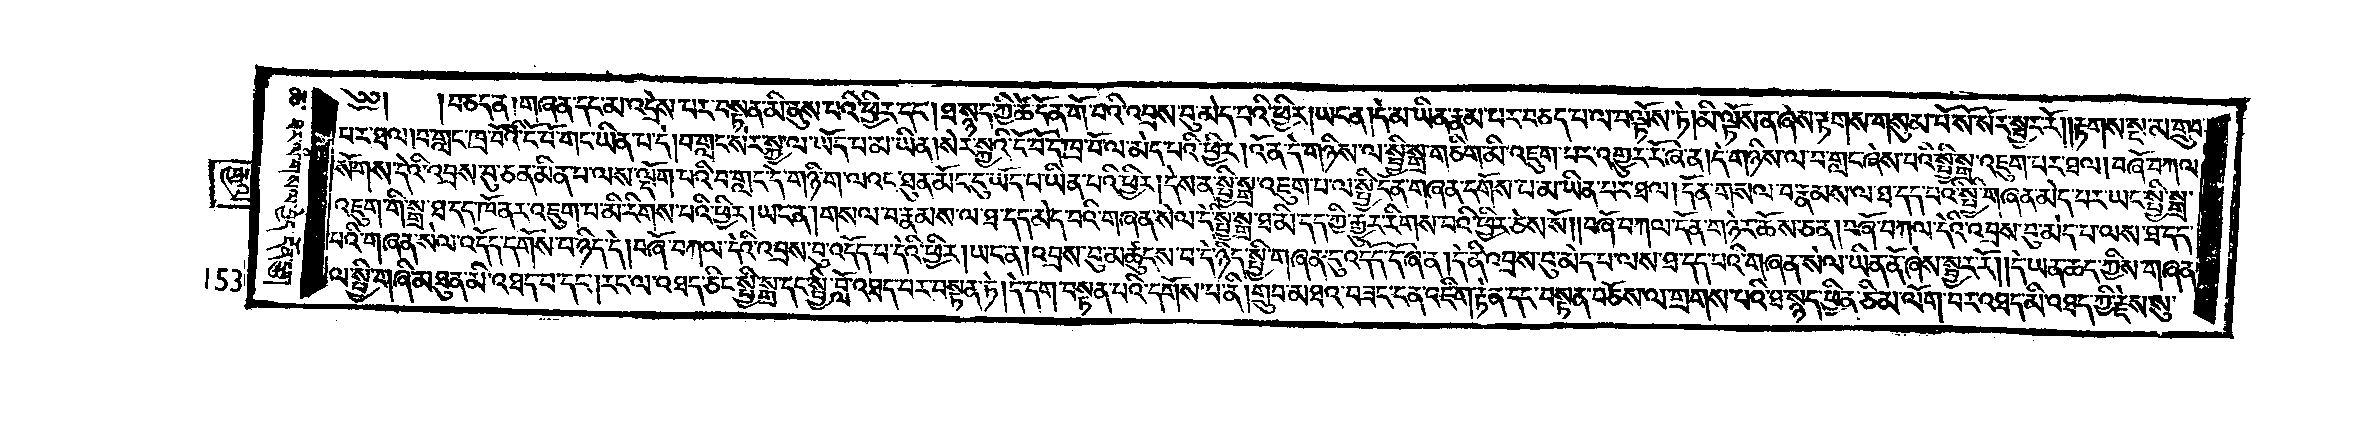༄༅། །བ་ཅད་ན། གཞན་དང་མ་འདྲེས་པར་བསྟན་མི་ནུས་པའི་ཕྱིར་དང་། ཐ་སྙད་ཀྱི་ཚེ་དོན་གོ་བའི་འབྲས་བུ་མེད་པའི་ཕྱིར། ཡང་ན། དེ་མ་ཡིན་རྣམ་པར་བཅད་པ་ལ་བལྟོས་ཏེ། མི་ལྟོས་ན་ཞེས་རྟགས་གསུམ་པོ་སོ་སོར་སྦྱར་རོ། །རྟགས་སྔ་མ་གྲུབ་
པར་ཐལ། བ་གླང་ཁྲ་བོའི་ངོ་བོ་གང་ཡིན་པ་དེ། བ་གླང་སེར་སྐྱ་ལ་ཡོད་པ་མ་ཡིན། སེར་སྐྱའི་ངོ་བོ་དེ་ཁྲ་བོ་ལ་མེད་པའི་ཕྱིར། འོ་ན་དེ་གཉིས་ལ་སྤྱི་སྒྲ་གཅིག་མི་འཇུག་པར་འགྱུར་རོ་ཞེ་ན། དེ་གཉིས་ལ་བ་གླང་ཞེས་པའི་སྤྱི་སྒྲ་འཇུག་པར་ཐལ། བཞོ་བཀལ་
སོགས་དེའི་འབྲས་བུ་ཅན་མིན་པ་ལས་ལྡོག་པའི་བ་གླང་དེ་གཉི་ག་ལའང་ཐུན་མོང་དུ་ཡོད་པ་ཡིན་པའི་ཕྱིར། དེས་ན་སྤྱི་སྒྲ་འཇུག་པ་ལ་སྤྱི་དོན་གཞན་དགོས་པ་མ་ཡིན་པར་ཐལ། དོན་གསལ་བ་རྣམས་ལ་ཐ་དད་པའི་སྤྱི་གཞན་མེད་པར་ཡང་སྤྱི་སྒྲ་
འཇུག་གི་སྒྲ་ཐ་དད་ཁོ་ནར་འཇུག་པ་མི་རིགས་པའི་ཕྱིར། ཡང་ན། གསལ་བ་རྣམས་ལ་ཐ་དད་མེད་པའི་གཞན་སེལ་དེ་སྤྱི་སྒྲ་ཐ་མི་དད་ཀྱི་རྒྱུར་རིགས་པའི་ཕྱིར་ཅེས་སོ། །བཞོ་བཀལ་དོན་གཉེར་ཆོས་ཅན། བཞོ་བཀལ་དེའི་འབྲས་བུ་མེད་པ་ལས་ཐ་དད་
པའི་གཞན་སེལ་འདོད་དགོས་པ་ཉིད་དེ། བཞོ་བཀལ་དེའི་འབྲས་བུ་འདོད་པ་དེའི་ཕྱིར། ཡང་ན། འབྲས་བུ་མཚུངས་བ་དེ་ཉིད་སྤྱི་གཞན་དུ་འདོད་དོ་ཞེ་ན། དེ་ནི་འབྲས་བུ་མེད་པ་ལས་ཐ་དད་པའི་གཞན་སེལ་ཡིན་ནོ་ཞེས་སྦྱར་རོ། །དེ་ཡན་ཆད་ཀྱིས་གཞན་
ལ་སྤྱི་གཞི་མཐུན་མི་འཐད་པ་དང་། རང་ལ་འཐད་ཅིང་སྤྱི་སྒྲ་དང་སྤྱི་བློ་འཐད་པར་བསྟན་ཏེ། དེ་དག་བསྟན་པའི་དགོས་པ་ནི། གྲུབ་མཐའ་བཟང་ངན་འཇིག་རྟེན་དང་བསྟན་བཅོས་ལ་གྲགས་པའི་ཐ་སྙད་ཕྱིན་ཅི་མ་ལོག་པར་འཐད་མི་འཐད་ཀྱི་རྗེས་སུ་